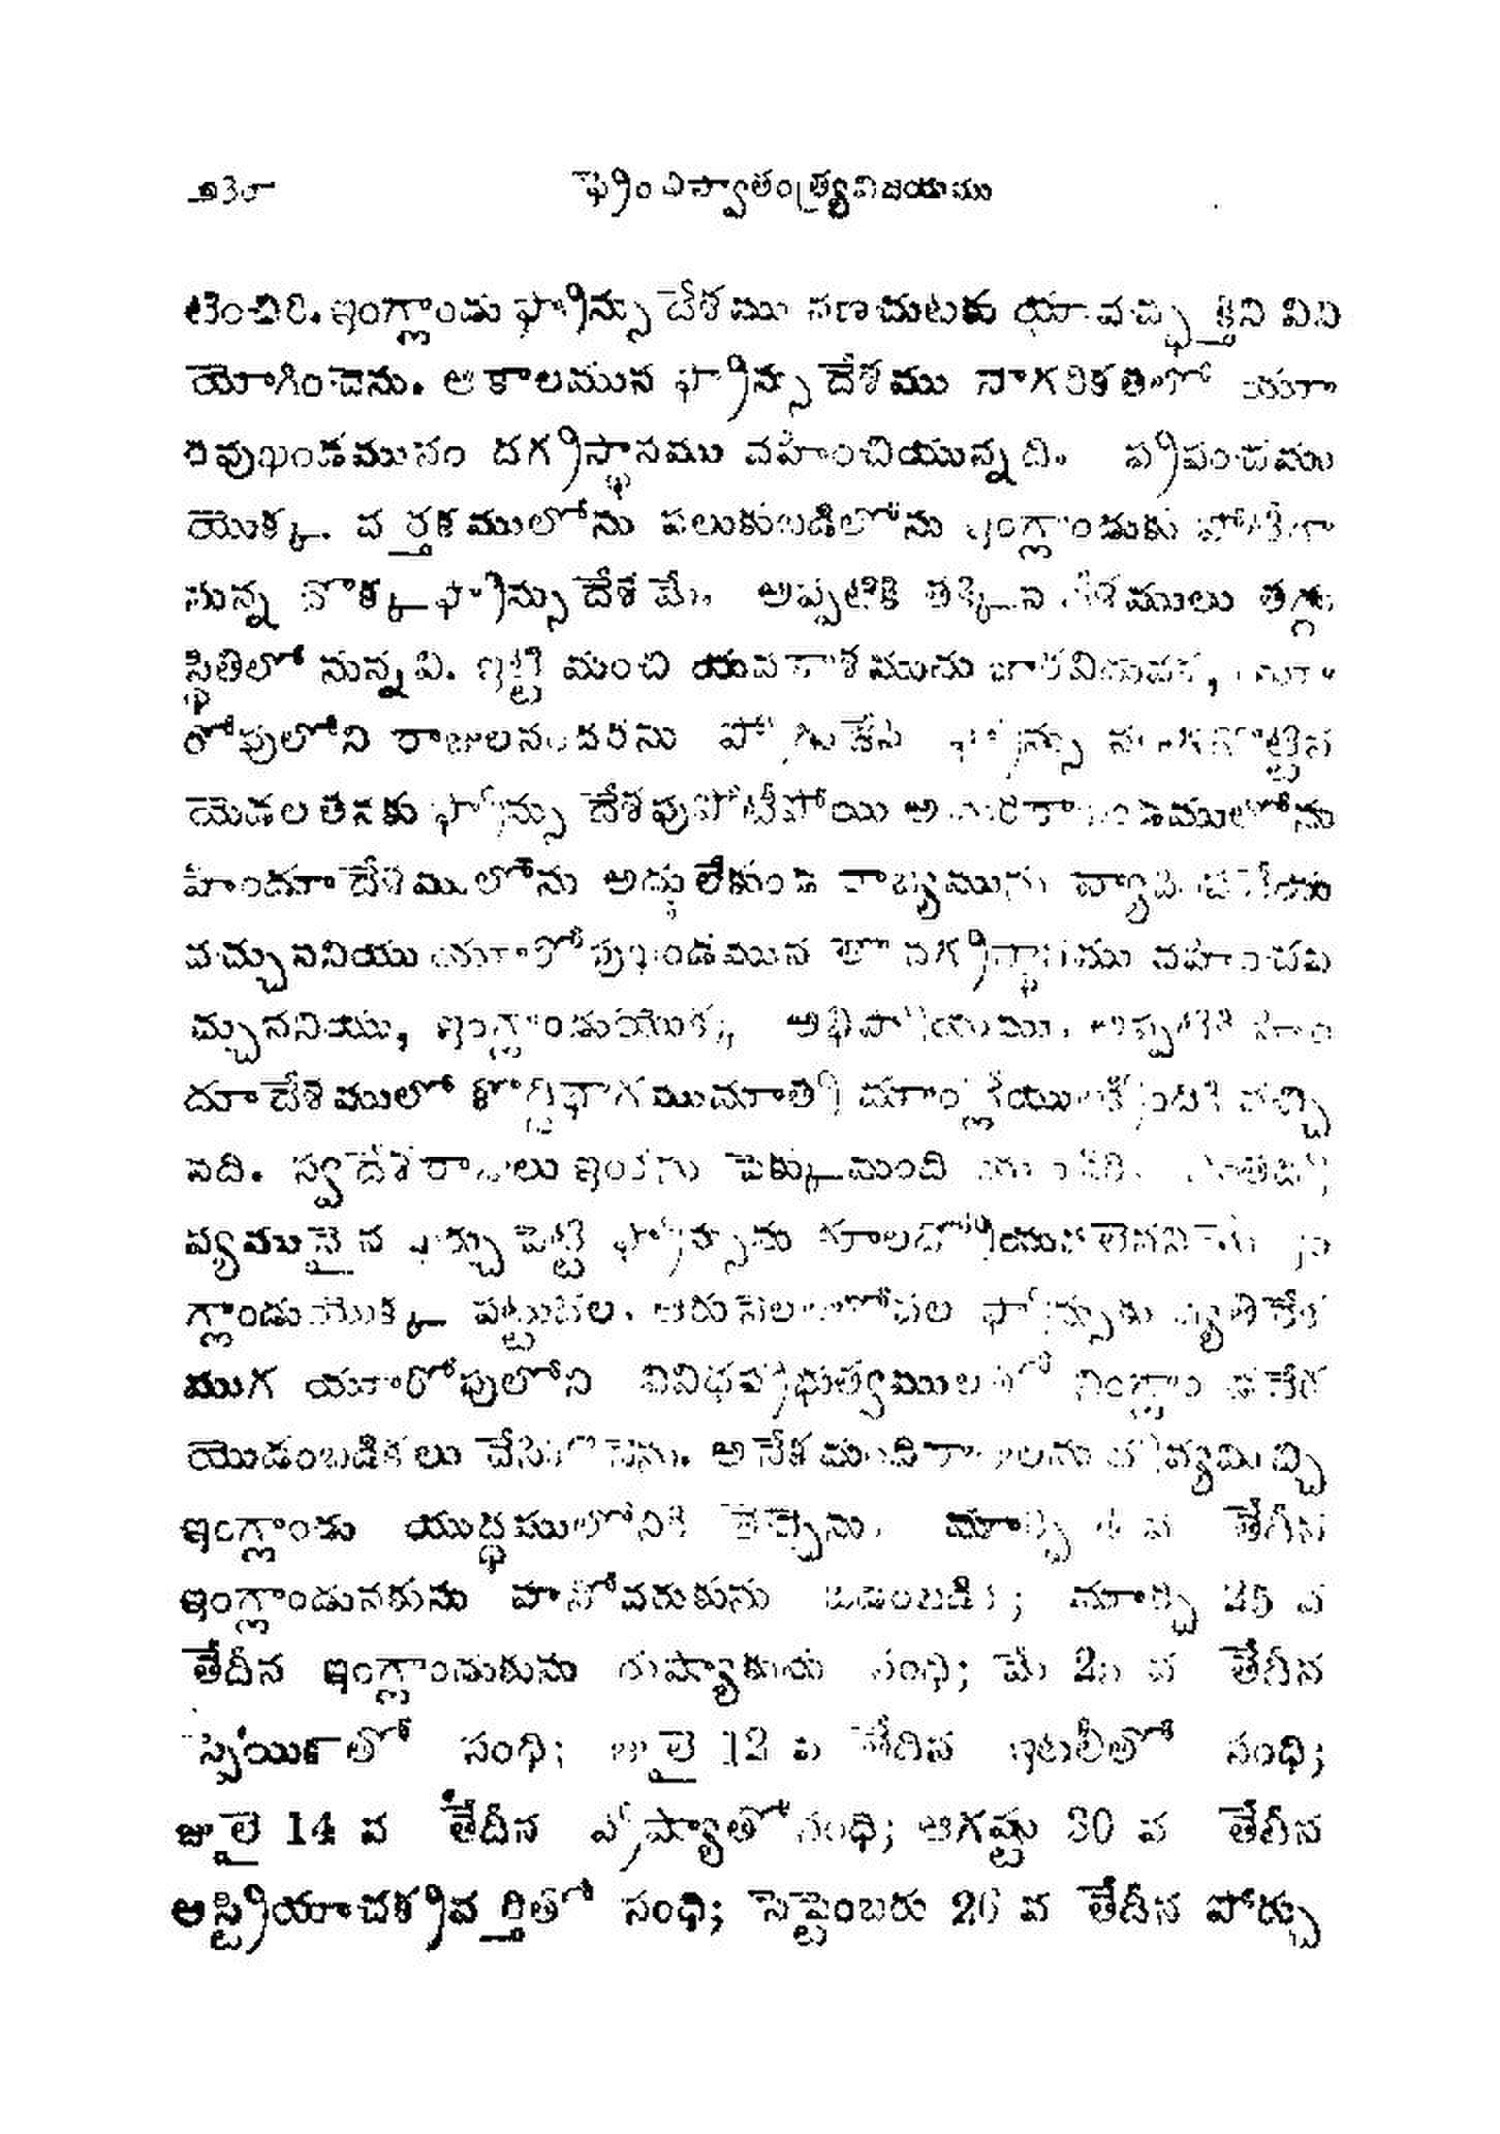టించిరి. ఇంగ్లాండు ఫ్రాన్సు దేశము నణచుటకు యూ వచ్చ క్తిని విని
యోగించెను. ఆ కాలమున ఫాన్సుదేశము సాగరికతలో యూ
రవుఖండమునం దగ్రస్థానము వహించియున్నది. ప్రపంచము
యొక్క, వర్తకములోను పలుకుబడిలోసు ఇంగ్లాండుకు పోటీగా
నున్న దొక్క ఫ్రాస్సు దేశమే, అప్పటి తక్కిన దేశములు తగ్గు
స్థితిలో నున్నవి. ఇట్టి మంచి యవకాశమును జార విడువక 
యూరోపులోని రాజులనందరను పోగు జేసి ప్రాస్సును వెడల గొట్టిన 
యొడల తనకు ప్రాన్సు దేశపు పోటీ పోయి అమెరికా ఖండములోను
హిందూ దేశములోను అడ్డు లేకుండ రాజ్యమును వ్యాపింప
వచ్చు సనియు యూరోపు ఖండమున తానగ్రస్థానము వహించ వ
చ్చుననియు, ఇంగ్లాండు యొక్క ఆభిప్రాయము. అప్పటికి 
హిందూ దేశములో కొద్ది భాగము మాత్ర మాంగ్లేయుల క్రిందికి వచ్చి
నది. స్వదేరాజులు ఇంకను పెక్కు మంది యుండిరి. ఎంత ద్రవ్య
ము నైన ఖర్చు పెట్టి ఫ్రాన్సును కూల దోయవలెననియే
ఇంగ్లాండు యొక్క పట్టుదల. ఆరు నెలల లోపల ఫాన్సుకు .
వ్యతిరేకముగ యురోపులోని వివిధ ప్రభుత్వములలో
ఇంగ్లాండు దేశము యొడంబడికలు చేసికొనెను. అనేకమంది 
రాజులకు ద్రవ్యమిచ్చి ఇంగ్లాండు యుద్ధము లోనికి తెచ్చెను. మార్చి 
4 వ తేదీన ఇంగ్లాండునకును హనోవరుకును వడంబడిక ; మూర్చి 25
వ తేదీన ఇంగ్లాండుకును రష్యాకును సంధి.,మే 2 వ తేదీన
స్పైయిన్ తో సంధి; జూలై 12 వ తేదిన :ఇటలీతో సంధి;
జులై 14 వ తేదీన ప్రష్యాతో సంధి; ఆగష్టు 30 వ తేదీన
ఆస్ట్రియా చక్రవర్తితో సంధి; సెప్టెంబరు 21 వ తేదీన పోర్చు